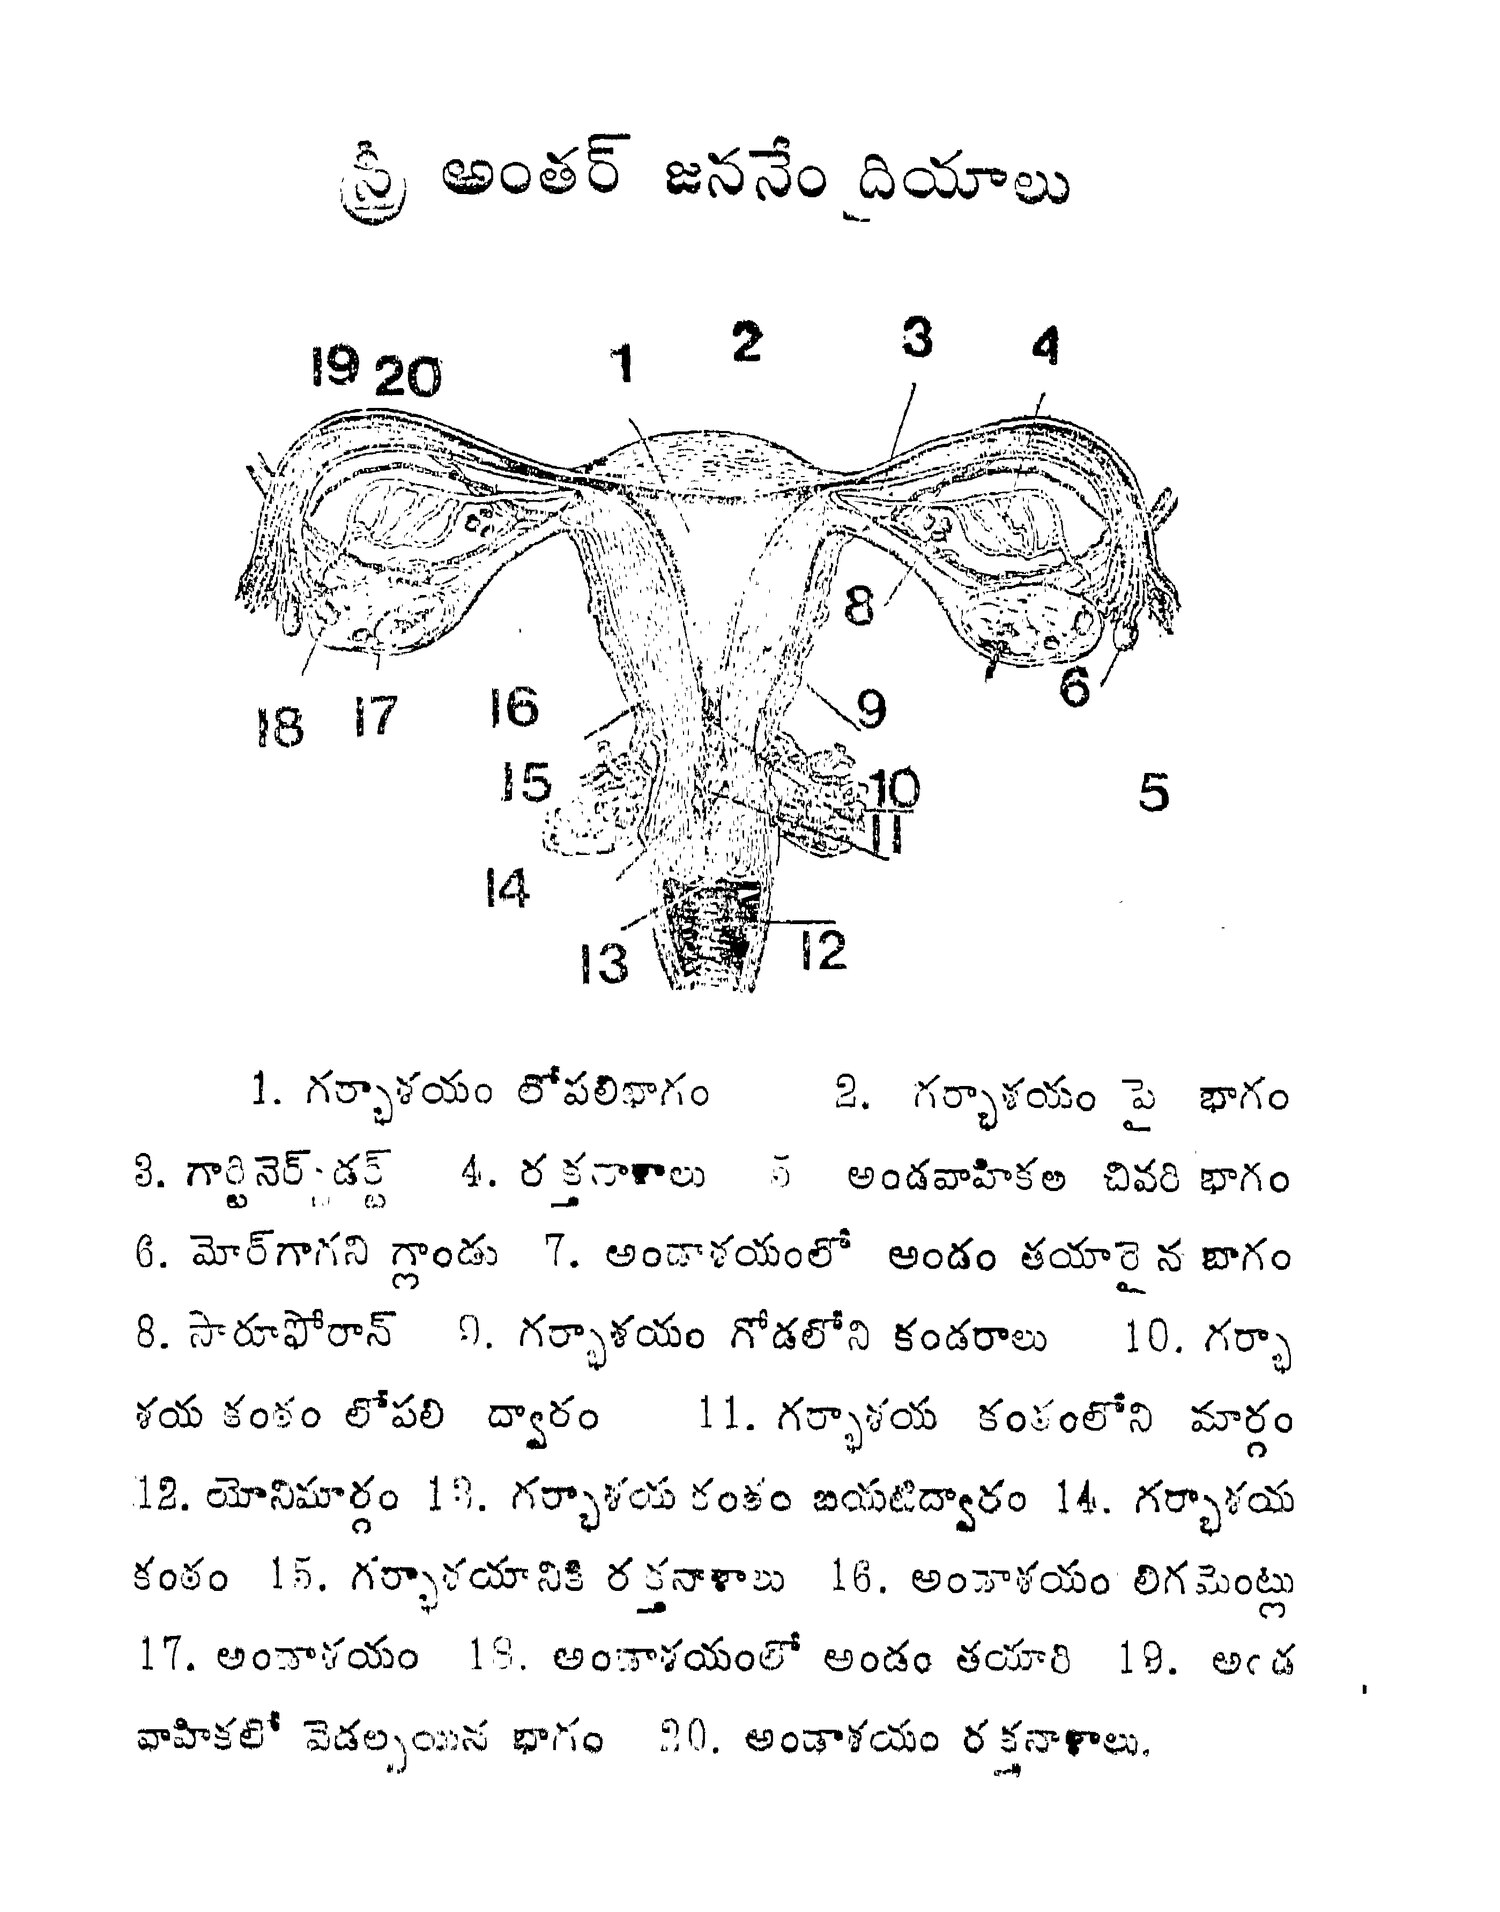1. గర్భాశయం లోపలిభాగం 2.గర్భాశయం పై భాగం 3. గార్టినెర్స్ డర్ట్ 4. రక్తనాళాలు 5.అండవాహికం చివరి భాగం 6. మోర్‌గాగని గ్లాండు 7.అండాశయంలో అండం తయారైన భాగం 8. సారూపోరాన్ 9. గర్భాశయం గోడలోని కండరాలు 10.గర్భాశయ కంఠం లోపలి ద్వారం 11. గర్భాశయ కంఠంలోని మార్గం 12. యోనిమార్గం 13. గర్భాశయకంఠం బయటిద్వారం 14. గర్భాశయ కంఠం 15. గర్భాశయానికి రక్తనాళాలు 16.అండాశయం లిగమెంట్లు 17. అండాశయం 18.అండాశయంలో అండం తయారి 19. అండవాహికలో వెడల్పయిన భాగం 20. అండాశయం రక్తనాళాలు